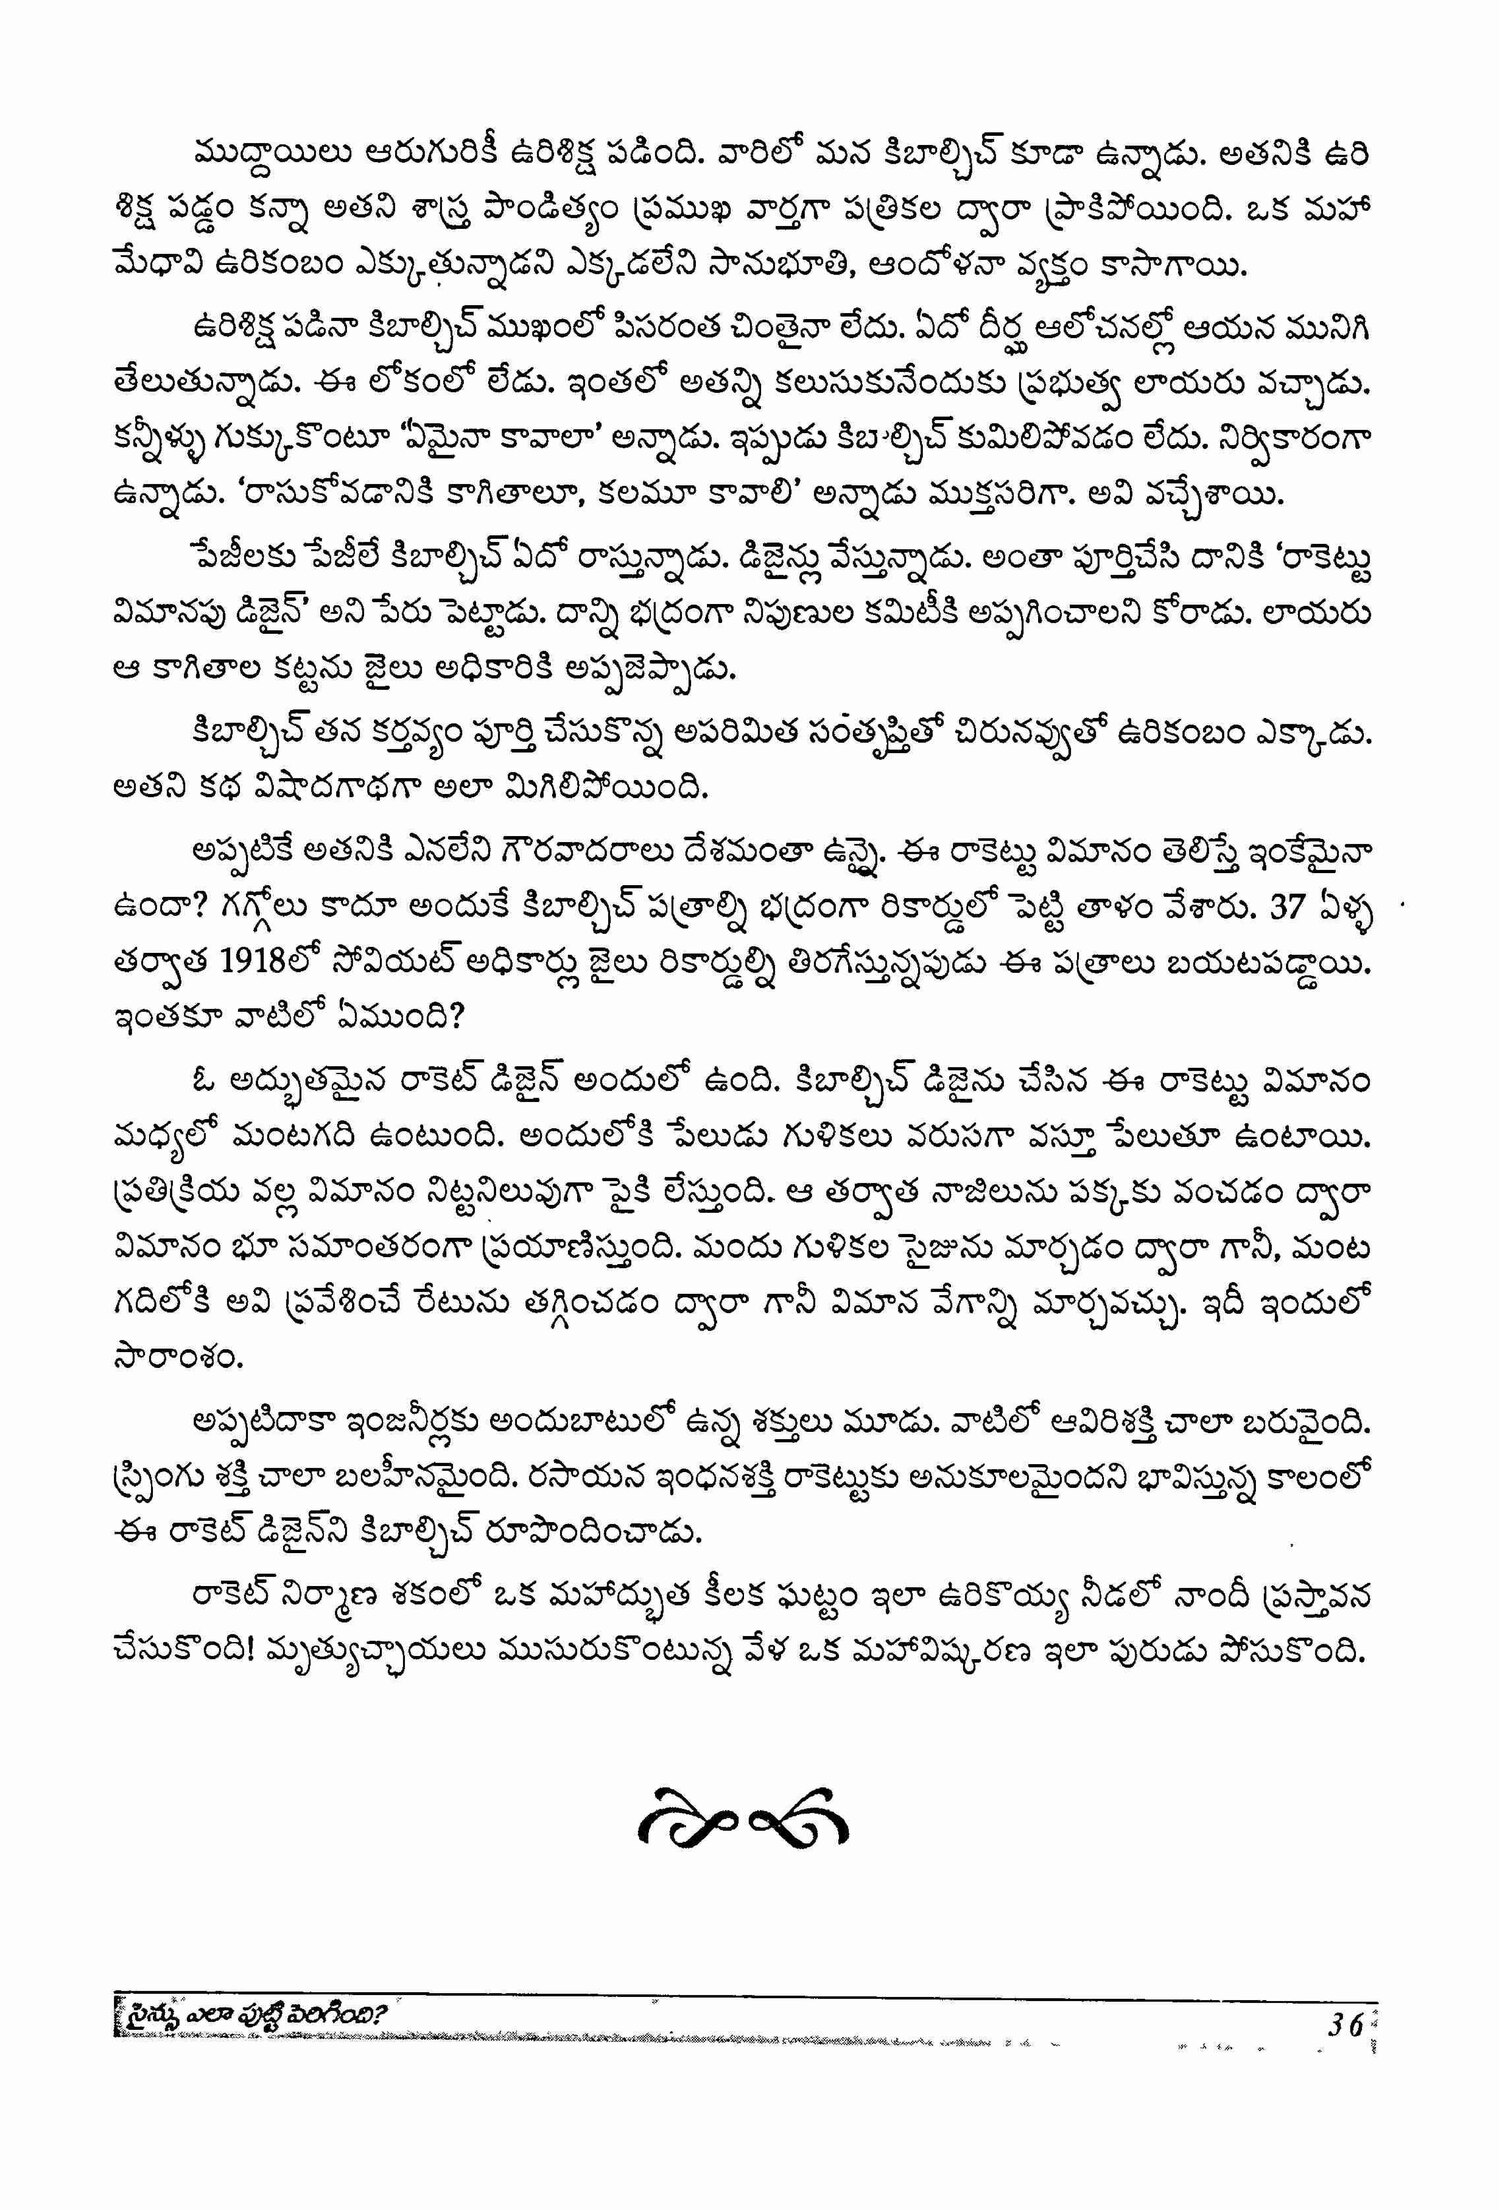ముద్దాయిలు ఆరుగురికీ ఉరిశిక్ష పడింది. వారిలో మన కిబాల్చిచ్ కూడా ఉన్నాడు. అతనికి ఉరిశిక్ష పడ్డం కన్నా అతని శాస్త్ర పాండిత్యం ప్రముఖ వార్తగా పత్రికల ద్వారా ప్రాకిపోయింది. ఒక మహామేధావి ఉరికంబం ఎక్కుతున్నాడని ఎక్కడలేని సానుభూతి, ఆందోళనా వ్యక్తం కాసాగాయి.

ఉరిశిక్ష పడినా కిబాల్చిచ్ ముఖంలో పిసరంత చింతైనా లేదు. ఏదో దీర్ఘ ఆలోచనల్లో ఆయన మునిగి తేలుతున్నాడు. ఈ లోకంలో లేడు. ఇంతలో అతన్ని కలుసుకునేందుకు ప్రభుత్వ లాయరు వచ్చాడు. కన్నీళ్ళు గుక్కుకొంటూ 'ఏమైనా కావాలా' అన్నాడు. ఇప్పుడు కిబాల్చిచ్ కుమిలిపోవడం లేదు. నిర్వికారంగా ఉన్నాడు. 'రాసుకోవడానికి కాగితాలూ, కలమూ కావాలి' అన్నాడు ముక్తసరిగా. అవి వచ్చేశాయి.

పేజీలకు పేజీలే కిబాల్చిచ్ ఏదో రాస్తున్నాడు. డిజైన్లు వేస్తున్నాడు. అంతా పూర్తిచేసి దానికి 'రాకెట్టు విమానపు డిజైన్' అని పేరు పెట్టాడు. దాన్ని భద్రంగా నిపుణుల కమిటీకి అప్పగించాలని కోరాడు. లాయరు ఆ కాగితాల కట్టను జైలు అధికారికి అప్పజెప్పాడు.

కిబాల్చిచ్ తన కర్తవ్యం పూర్తి చేసుకొన్న అపరిమిత సంతృప్తితో చిరునవ్వుతో ఉరికంబం ఎక్కాడు. అతని కథ విషాదగాథగా అలా మిగిలిపోయింది.

అప్పటికే అతనికి ఎనలేని గౌరవాదరాలు దేశమంతా ఉన్నై. ఈ రాకెట్టు విమానం తెలిస్తే ఇంకేమైనా ఉందా? గగ్గోలు కాదూ అందుకే కిబాల్చిచ్ పత్రాల్ని భద్రంగా రికార్డులో పెట్టి తాళం వేశారు. 37 ఏళ్ళ తర్వాత 1918లో సోవియట్ అధికార్లు జైలు రికార్డుల్ని తిరగేస్తున్నపుడు ఈ పత్రాలు బయటపడ్డాయి. ఇంతకూ వాటిలో ఏముంది?

ఓ అద్భుతమైన రాకెట్ డిజైన్ అందులో ఉంది. కిబాల్చిచ్ డిజైను చేసిన ఈ రాకెట్టు విమానం మధ్యలో మంటగది ఉంటుంది. అందులోకి పేలుడు గుళికలు వరుసగా వస్తూ పేలుతూ ఉంటాయి. ప్రతిక్రియ వల్ల విమానం నిట్టనిలువుగా పైకి లేస్తుంది. ఆ తర్వాత నాజిలును పక్కకు వంచడం ద్వారా విమానం భూ సమాంతరంగా ప్రయాణిస్తుంది. మందు గుళికల సైజును మార్చడం ద్వారా గానీ, మంట గదిలోకి అవి ప్రవేశించే రేటును తగ్గించడం ద్వారా గానీ విమాన వేగాన్ని మార్చవచ్చు. ఇదీ ఇందులో సారాంశం.

అప్పటిదాకా ఇంజనీర్లకు అందుబాటులో ఉన్న శక్తులు మూడు. వాటిలో ఆవిరిశక్తి చాలా బరువైంది. స్ప్రింగు శక్తి చాలా బలహీనమైంది. రసాయన ఇంధనశక్తి రాకెట్టుకు అనుకూలమైందని భావిస్తున్న కాలంలో ఈ రాకెట్ డిజైన్‌ని కిబాల్చిచ్ రూపొందించాడు.

రాకెట్ నిర్మాణ శకంలో ఒక మహాద్భుత కీలక ఘట్టం ఇలా ఉరికొయ్య నీడలో నాందీ ప్రస్తావన చేసుకొంది! మృత్యుచ్ఛాయలు ముసురుకొంటున్న వేళ ఒక మహావిష్కరణ ఇలా పురుడు పోసుకొంది.